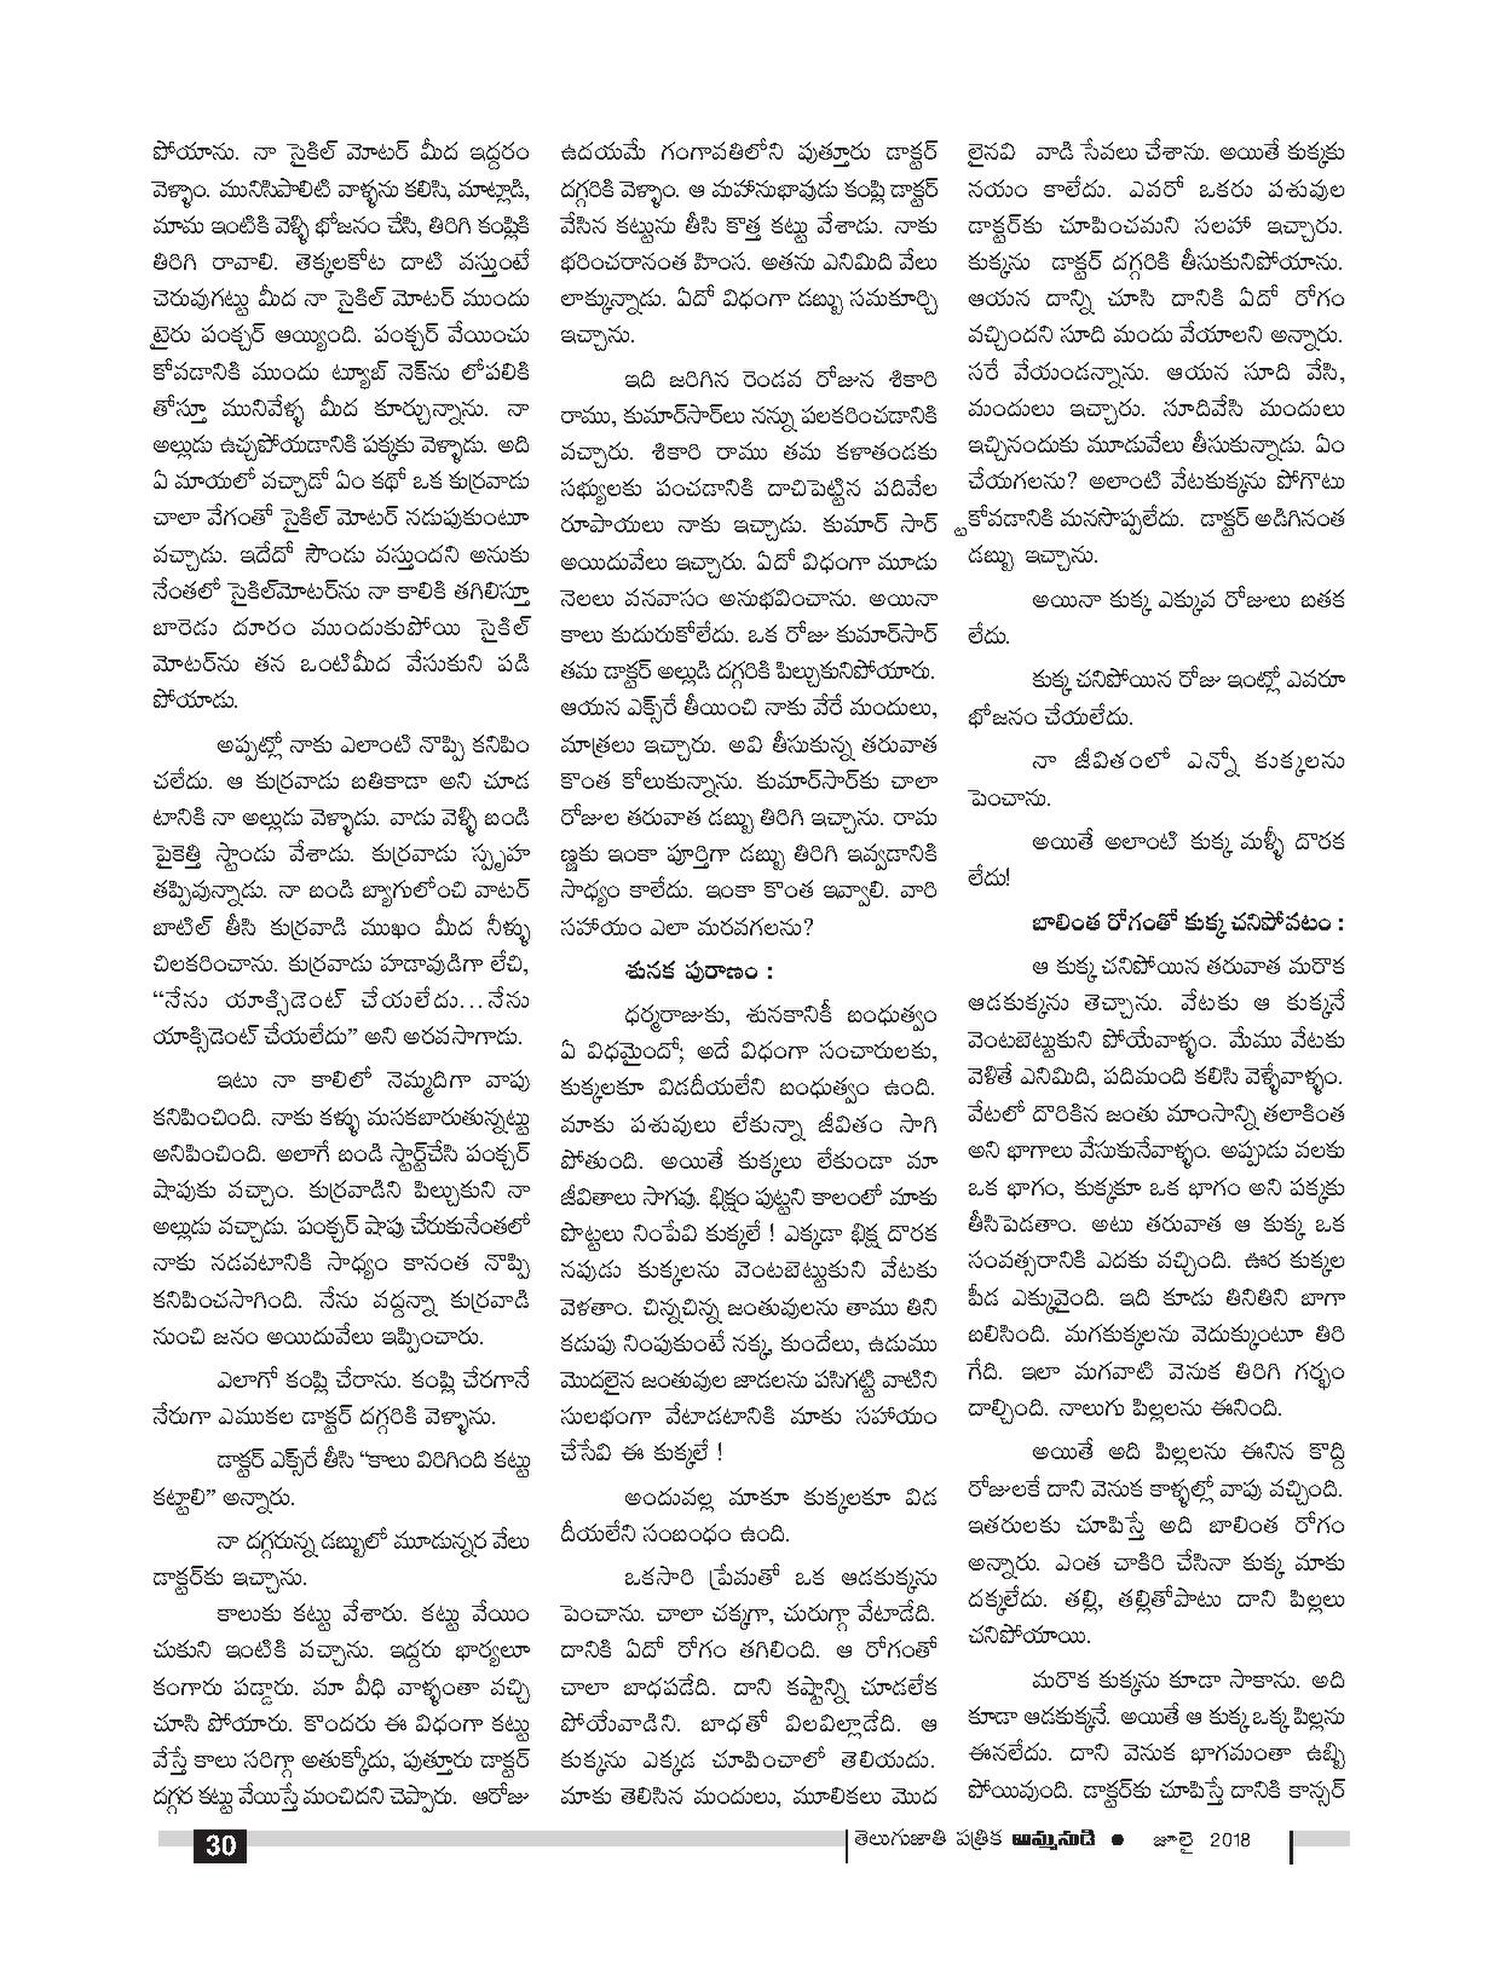పోయాను. నా సైకిల్‌ మోటర్‌ మీద ఇద్దరం వెళ్ళాం. మునిసిపాలిటి వాళ్ళను కలిసి, మాట్లాడి, మామ ఇంటికి వెళ్ళి భోజనం చేసి, తిరిగి కంప్లికి తిరిగి రావాలి. తెక్కలకోట దాటి వస్తుంటే చెరువుగట్టు మీద నా సైకిల్‌ మోటర్‌ ముందు టైరు పంక్చర్‌ ఆయ్యింది. పంక్చర్‌ వేయించుకోవడానికి ముందు ట్యూబ్‌ నెక్‌ను లోపలికి తోస్తూ మునివేళ్ళ మీద కూర్చున్నాను. నా అల్లుడు ఉచ్చపోయడానికి పక్కకు వెళ్ళాడు. అది ఏ మాయలో వచ్చాడో ఏం కథో ఒక కుర్రవాడు చాలా వేగంతో సైకిల్‌ మోటర్‌ నడుపుకుంటూ
వచ్చాడు. ఇదేదో సౌండు వస్తుందని అనుకునేంతలో సైకిల్‌మోటర్‌ను నా కాలికి తగిలిస్తూ
బారెడు దూరం ముందుకుపోయి సైకిల్‌ మోటర్‌ను తన ఒంటిమీద వేసుకుని పడి పోయాడు.

అప్పట్లో నాకు ఎలాంటి నొప్పి కనిపించలేదు. ఆ కుర్రవాడు బతికాడా అని చూడటానికి నా అల్లుడు వెళ్ళాడు. వాడు వెళ్ళి బండి పైకెత్తి స్టాండు వేశాడు. కుర్రవాడు స్పృహ తప్పివున్నాడు. నా బండి బ్యాగులోంచి వాటర్‌ బాటిల్‌ తీసి కుర్రవాడి ముఖం మీద నీళ్ళు చిలకరించాను. కుర్రవాడు హడావుడిగా లేచి, “నేను యాక్సిడెంట్‌ చేయలేదు... నేను యాక్సిడెంట్‌ చేయలేదు” అని అరవసాగాడు.

ఇటు నా కాలిలో నెమ్మదిగా వాపు కనిపించింది. నాకు కళ్ళు మసకబారుతున్నట్టు అనిపించింది. అలాగే బండి స్టార్ట్‌చేసి పంక్చర్‌ షావుకు వచ్చాం. కుర్రవాడిని పిల్చుకుని నా అల్లుడు వచ్చాడు. పంక్చర్‌ షాపు చేరుకునేంతలో నాకు నడవటానికి సాధ్యం కానంత నొప్పి కనిపించసాగింది. నేను వద్దన్నా కుర్రవాడి నుంచి జనం అయిదువేలు ఇప్పించారు.

ఎలాగో కంప్లి చేరాను. కంప్లి చేరగానే నేరుగా ఎముకల డాక్టర్‌ దగ్గరికి వెళ్ళాను.

దాక్టర్‌ ఎక్స్‌రే తీసి “కాలు విరిగింది కట్టు కట్టాలి” అన్నారు.

నా దగ్గరున్న డబ్బులో మూడున్నర వేలు డాక్టర్‌కు ఇచ్చాను.

కాలుకు కట్టు వేశారు. కట్టు వేయించుకుని ఇంటికి వచ్చాను. ఇద్దరు భార్యలూ కంగారు పడ్డారు. మా వీధి వాళ్ళంతా వచ్చి చూసి పోయారు. కొందరు ఈ విధంగా కట్టువేస్తే కాలు సరిగ్గా అతుక్కోదు, పుత్తూరు డాక్టర్‌ దగ్గర కట్టు వేయిస్తే మంచిదని చెప్పారు. ఆరోజు ఉదయమే గంగావతిలోని పుత్తూరు డాక్టర్‌ దగ్గరికి వెళ్ళాం. ఆ మహానుభావుడు కంప్లి డాక్టర్‌ వేసిన కట్టును తీసి కొత్త కట్టు వేశాడు. నాకు
భరించరానంత హింస. అతను ఎనిమిది వేలు లాక్కున్నాడు. ఏదో విధంగా డబ్బు సమకూర్చి ఇచ్చాను.

ఇది జరిగిన రెండవ రోజున శికారి రాము, కుమార్‌సార్‌లు నన్ను పలకరించడానికి వచ్చారు. శికారి రాము తమ కళాతండకు సభ్యులకు పంచడానికి దాచిపెట్టిన పదివేల రూపాయలు నాకు ఇచ్చాడు. కుమార్‌ సార్‌ అయిదువేలు ఇచ్చారు. ఏదో విధంగా మూడు నెలలు వనవాసం అనుభవించాను. అయినా కాలు కుదురుకోలేదు. ఒక రోజు కుమార్‌సార్‌ తమ డాక్టర్‌ అల్లుడి దగ్గరికి పిల్చుకునిపోయారు. ఆయన ఎక్స్‌రే తీయించి నాకు వేరే మందులు, మాత్రలు ఇచ్చారు. అవి తీసుకున్న తరువాత కొంత కోలుకున్నాను. కుమార్‌సార్‌కు చాలా రోజుల తరువాత డబ్బు తిరిగి ఇచ్చాను. రామణ్ణకు ఇంకా పూర్తిగా డబ్బు తిరిగి ఇవ్వడానికి సాధ్యం కాలేదు. ఇంకా కొంత ఇవ్వాలి. వారి సహాయం ఎలా మరవగలను?

శునక పురాణం :

ధర్మరాజుకు, శునకానికీ బంధుత్వం ఏ విధమైందో; అదే విధంగా సంచారులకు, కుక్కలకూ విడదీయలేని బంధుత్వం ఉంది. మాకు పశువులు లేకున్నా జీవితం సాగిపోతుంది. అయితే కుక్కలు లేకుండా మా జీవితాలు సాగవు. భిక్షం పుట్టని కాలంలో మాకు పొట్టలు నింపేవి కుక్కలే ! ఎక్కడా భిక్ష దొరకనపుడు కుక్కలను వెంటబెట్టుకుని వేటకు వెళతాం. చిన్నచిన్న జంతువులను తాము తిని కడుపు నింపుకుంటే నక్క కుందేలు, ఉడుము మొదలైన జంతువుల జాడలను పసిగట్టి వాటిని సులభంగా వేటాడటానికి మాకు సహాయం చేసేవి ఈ కుక్కలే?

అందువల్ల మాకూ కుక్కలకూ విడదీయలేని సంబంధం ఉంది.

ఒకసారి ప్రేమతో ఒక ఆడకుక్కను పెంచాను. చాలా చక్కగా, చురుగ్గా వేటాడేది. దానికి ఏదో రోగం తగిలింది. ఆ రోగంతో చాలా బాధపడేది. దాని కష్టాన్ని చూడలేక పోయేవాడిని. బాధతో విలవిల్లాడేది. ఆ కుక్కను ఎక్కడ చూపించాలో తెలియదు. మాకు తెలిసిన మందులు, మూలికలు మొదలైనవి వాడి సేవలు చేశాను. అయితే కుక్కకు నయం కాలేదు. ఎవరో ఒకరు పశువుల డాక్టర్‌కు చూపించమని సలహా ఇచ్చారు. కుక్కను డాక్టర్‌ దగ్గరికి తీసుకునిపోయాను. ఆయన దాన్ని చూసి దానికి ఏదో రోగం
వచ్చిందని సూది మందు వేయాలని అన్నారు. సరే వేయండన్నాను. ఆయన సూది వేసి మందులు ఇచ్చారు. సూదివేసి మందులు ఇచ్చినందుకు మూడువేలు తీసుకున్నాడు. ఏం చేయగలను? అలాంటి వేటకుక్కను పోగొట్టుకోవడానికి మనసొప్పలేదు. డాక్టర్‌ అడిగినంత డబ్బు ఇచ్చాను.

అయినా కుక్క ఎక్కువ రోజులు బతక లేదు

కుక్కచనిపోయిన రోజు ఇంట్లో ఎవరూ భోజనం చేయలేదు.

నా జీవితంలో ఎన్నో కుక్కలను పెంచాను.

అయితే అలాంటి కుక్క మళ్ళీ దొరక లేదు!

బాలింత రోగంతో కుక్క చనిపోవటం :

ఆ కుక్కచనిపోయిన తరువాత మరొక ఆడకుక్కను తెచ్చాను. వేటకు ఆ కుక్కనే వెంటబెట్టుకుని పోయేవాళ్ళం. మేము వేటకు వెళితే ఎనిమిది, పదిమంది కలిసి వెళ్ళేవాళ్ళం. వేటలో దొరికిన జంతు మాంసాన్ని తలాకింత అని భాగాలు వేసుకునేవాళ్ళం. అప్పుడు వలకు ఒక భాగం, కుక్కకూ ఒక భాగం అని పక్కకు తీసిపెడతాం. అటు తరువాత ఆ కుక్క ఒక సంవత్సరానికి ఎదకు వచ్చింది. ఊర కుక్కల
పీడ ఎక్కువైంది. ఇది కూడు తినితిని బాగా బలిసింది. మగకుక్కలను వెదుక్కుంటూ తిరిగేది. ఇలా మగవాటి వెనుక తిరిగి గర్భం దాల్చింది. నాలుగు పిల్లలను ఈనింది.

అయితే అది పిల్లలను ఈనిన కొద్ది రోజులకే దాని వెనుక కాళ్ళల్లో వాపు వచ్చింది. ఇతరులకు చూపిస్తే అది బాలింత రోగం అన్నారు. ఎంత చాకిరి చేసినా కుక్క మాకు దక్కలేదు. తల్లి తల్లితోపాటు దాని పిల్లలు చనిపోయాయి.

మరొక కుక్కను కూడా సాకాను. అది కూడా ఆడకుక్కనే. అయితే ఆ కుక్క ఒక్క పిల్లను ఈనలేదు. దాని వెనుక భాగమంతా ఉబ్బి పోయివుంది. డాక్టర్‌కు చూపిస్తే దానికి కాన్సర్‌